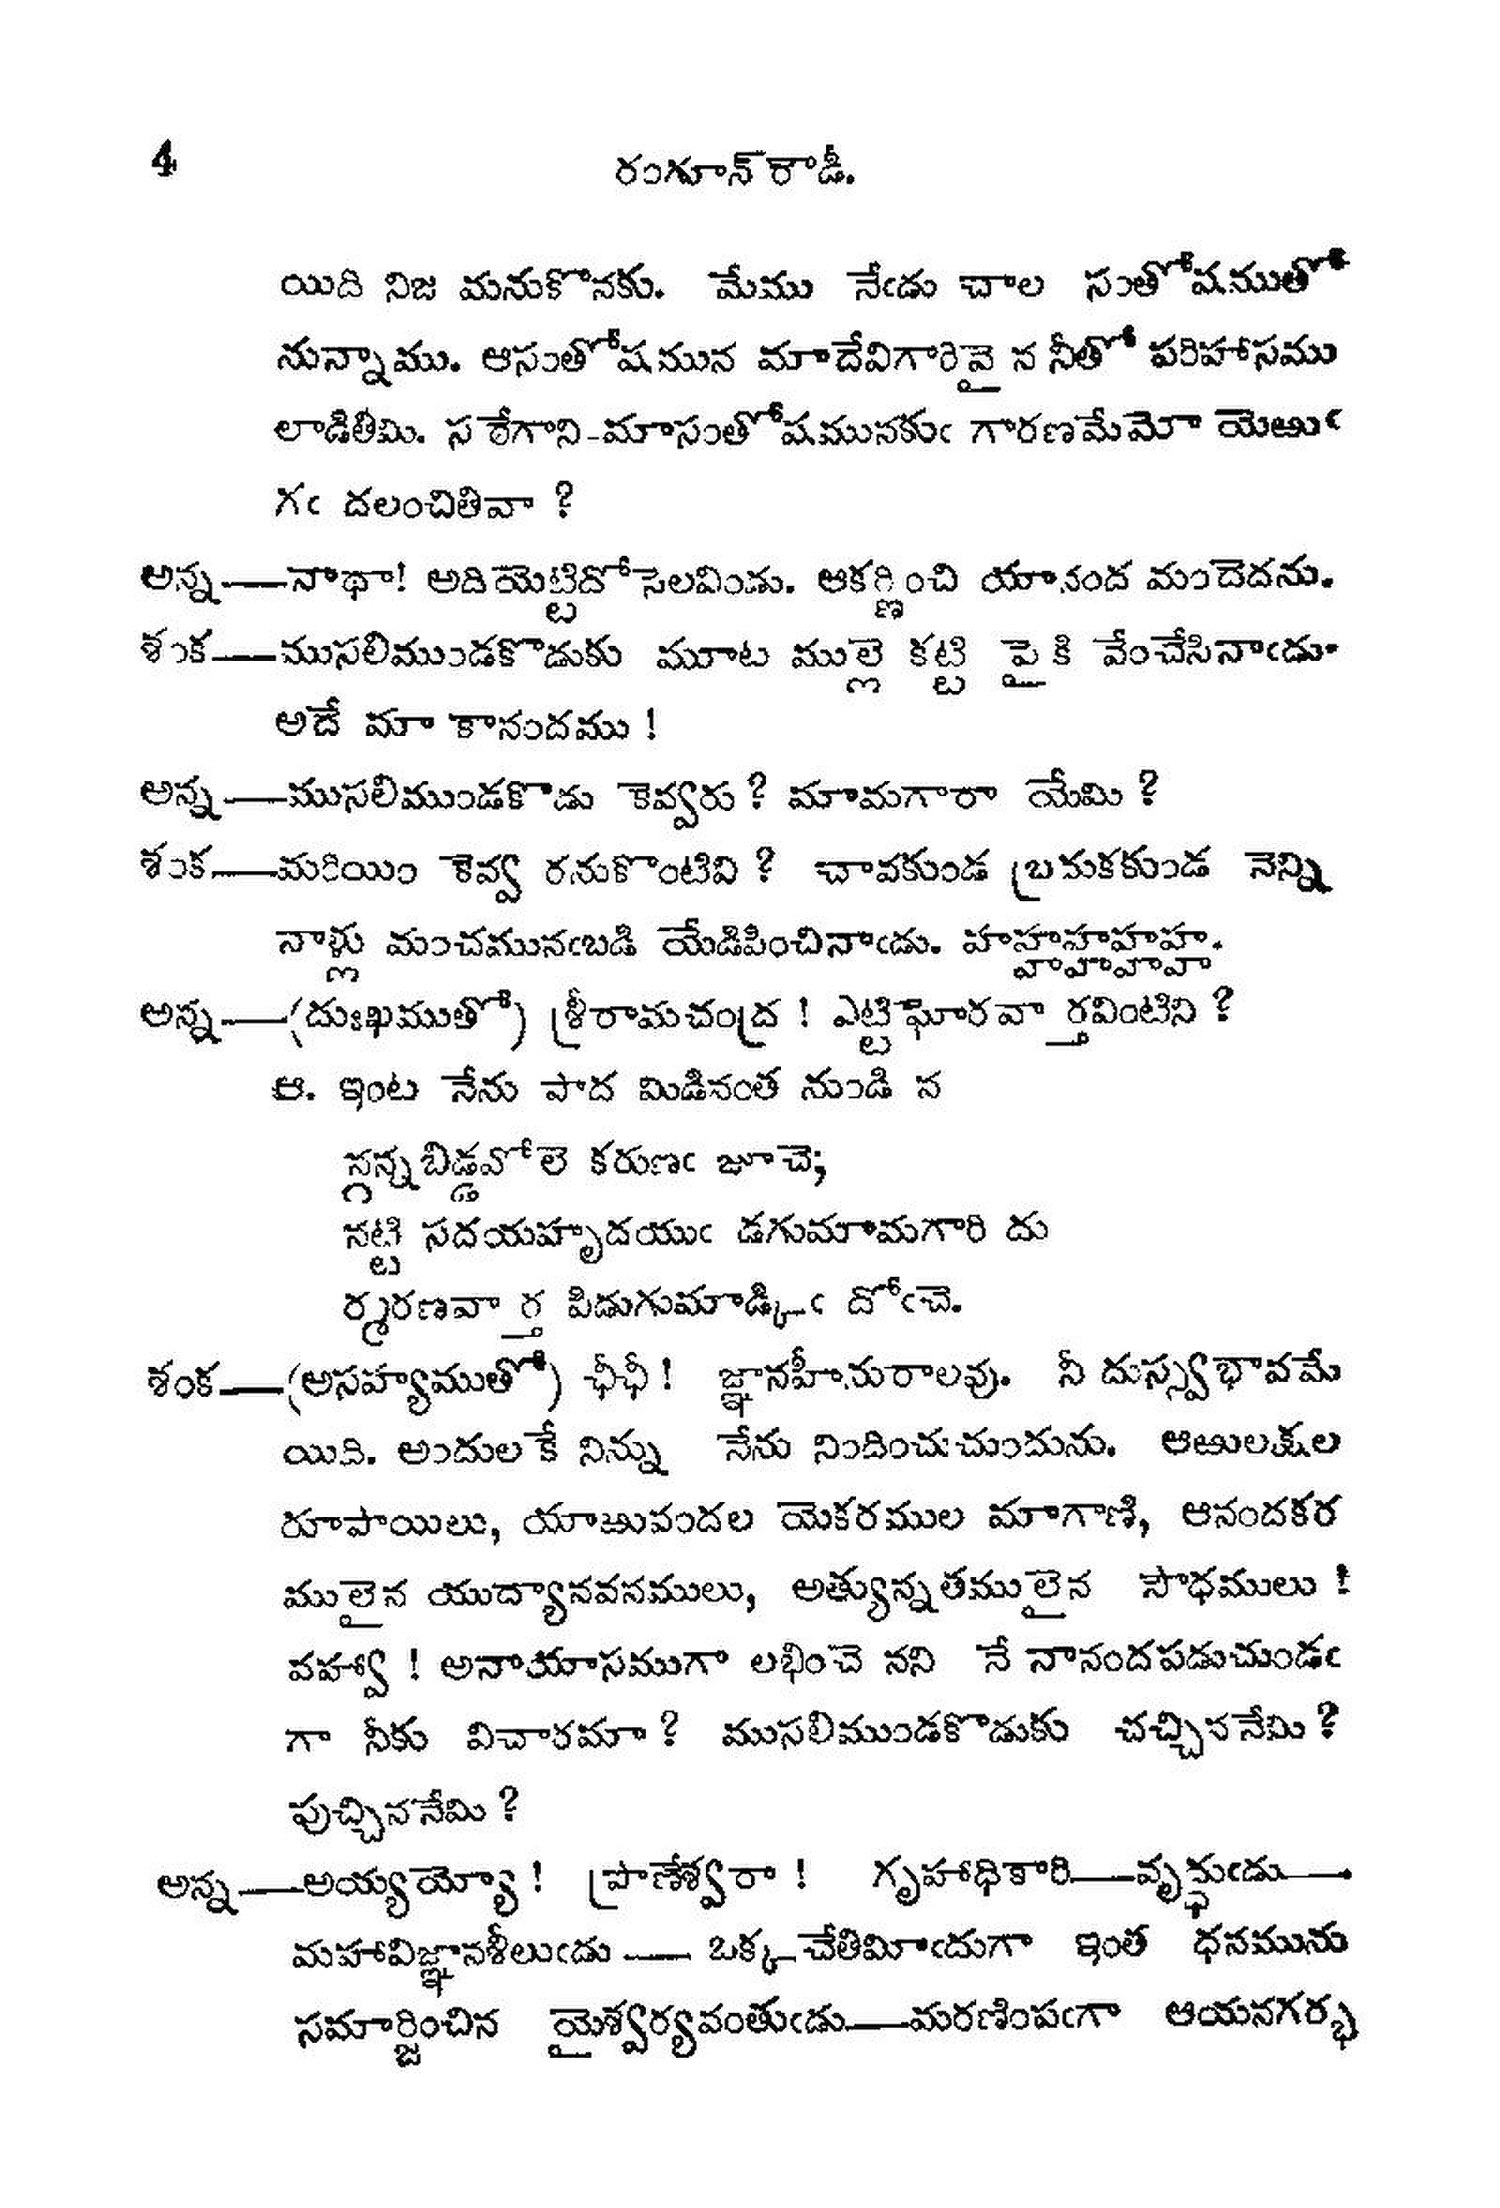యిది నిజ మనుకొనకు. మేము నేఁడు చాల సంతోషముతో నున్నాము. ఆసంతోషమున మాదేవిగారివైన నీతో పరిహాసము లాడితిమి. సరేగాని మాసంతోషమునకుఁ గారణమేమో యెఱుఁగఁ దలంచితివా?

అన్న — నాథా! అదియెట్టిదో సెలవిండు. ఆకర్ణించి యానంద మందెదను.

శంక - ముసలిముండకొడుకు మూట ముల్లె కట్టి పైకి వేంచేసినాఁడు. అదే మా కానందము !

అన్న - ముసలిముండకొడు కెవ్వరు ? మామగారా యేమి ?

శంక - మరియిం కెవ్వ రనుకొంటివి ? చావకుండ బ్రదుకకుండ నెన్ని నాళ్లు మంచమునఁబడి యేడిపించినాఁడు. హహ్హహ్హహ్హహ్హ.

అన్న — (దుఃఖముతో) శ్రీరామచంద్ర ! ఎట్టిఘోరవార్తవింటిని ?

ఆ. ఇంట నేను పాద మిడినంత నుండి న
 న్గన్నబిడ్డవోలె కరుణఁ జూచె;
 నట్టి సదయహృదయుఁ డగుమామగారి దు
 ర్మరణవార్త పిడుగుమాడ్కిఁ దోఁచె.
శంక – (అసహ్యముతో) ఛీఛీ ! జ్ఞానహీనురాలవు. నీ దుస్స్వభావమే యిది. అందులకే నిన్ను నేను నిందించుచుందును. ఆఱులక్షల రూపాయిలు, యాఱువందల యెకరముల మాగాణి, ఆనందకరములైన యుద్యానవనములు, అత్యున్నతములైన సౌధములు ! వహ్వా ! అనాయాసముగా లభించె నని నే నానందపడుచుండఁగా నీకు విచారమా? ముసలిముండ కొడుకు చచ్చిననేమి ? పుచ్చిననేమి ?

అన్న — అయ్యయ్యో ! ప్రాణేశ్వరా ! గృహాధికారి - వృద్ధుడు - మహావిజ్ఞానశీలుఁడు - ఒక్కచేతిమీదుగా ఇంత ధనమును సమార్జించిన యైశ్వర్యవంతుఁడు - మరణింపఁగా ఆయనగర్భ